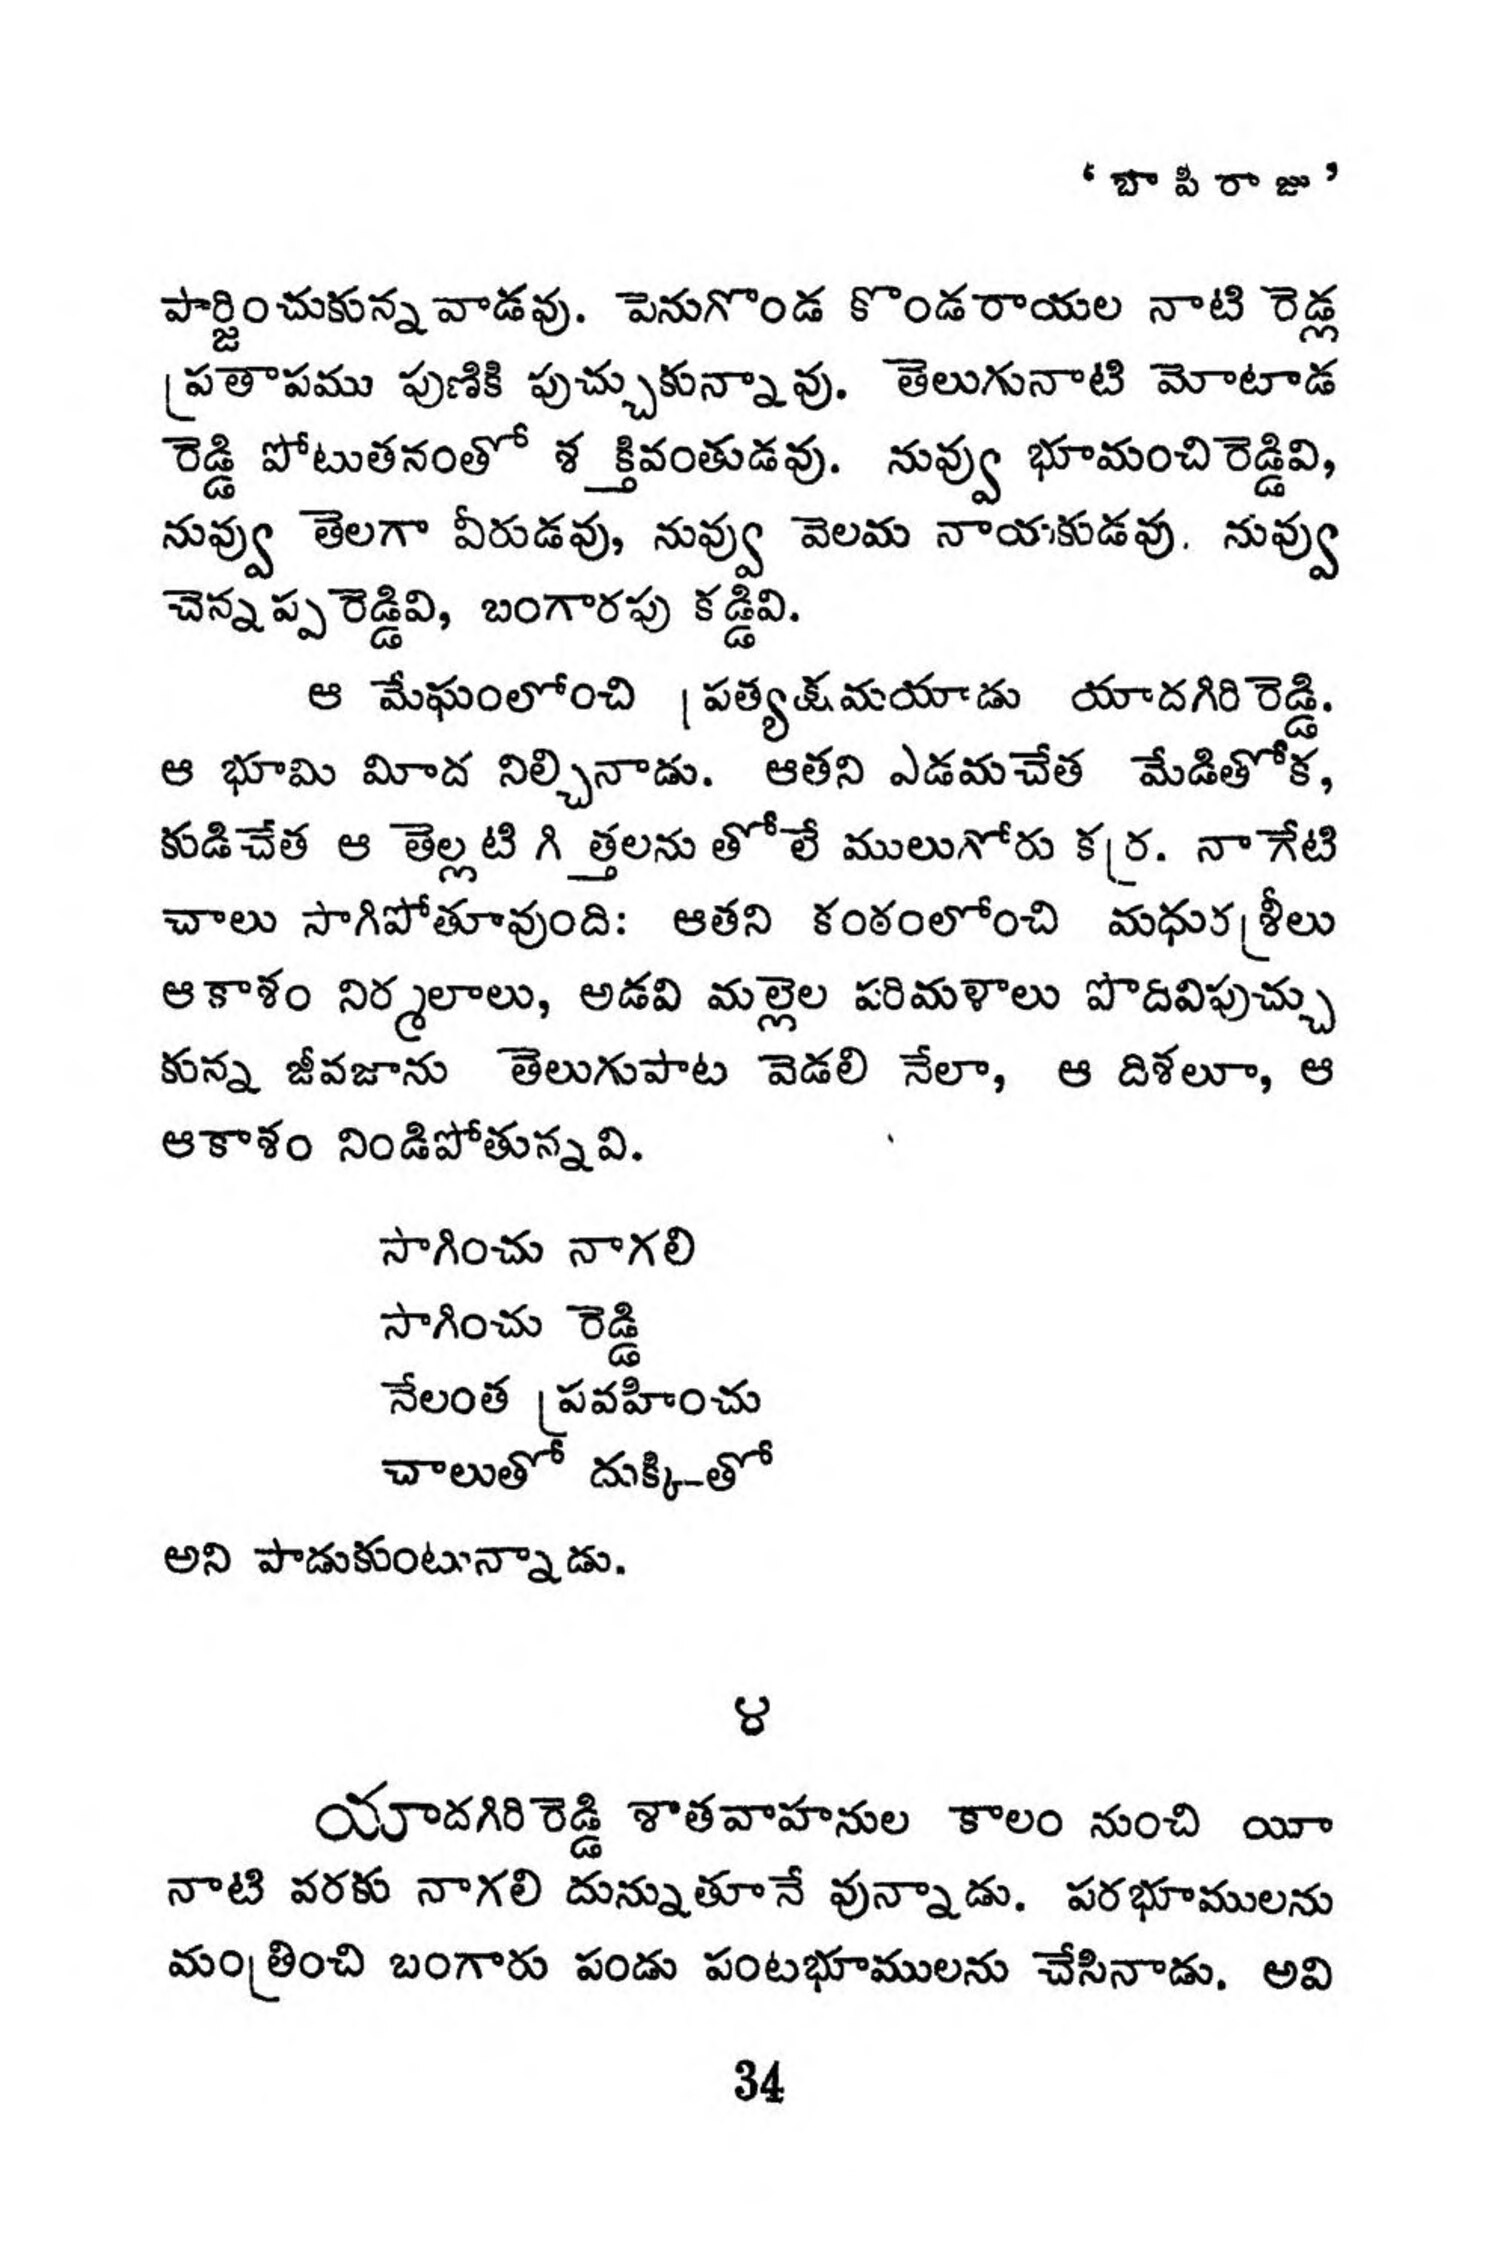పార్జించుకున్న వాడవు. పెనుగొండ కొండరాయల నాటి రెడ్ల ప్రతాపము పుణికి పుచ్చుకున్నావు. తెలుగునాటి మోటాడ రెడ్డి పోటుతనంతో శక్తివంతుడవు. నువ్వు భూమంచిరెడ్డివి, నువ్వు తెలగా వీరుడవు, నువ్వు వెలమ నాయకుడవు. నువ్వు చెన్నప్పరెడ్డివి, బంగారపు కడ్డివి.

ఆ మేఘంలోంచి ప్రత్యక్షమయాడు యాదగిరిరెడ్డి. ఆ భూమి మీద నిల్చినాడు. ఆతని ఎడమచేత మేడితోక, కుడిచేత ఆ తెల్లటి గిత్తలను తోలే ములుగోరు కర్ర. నాగేటిచాలు సాగిపోతూవుంది. ఆతని కంఠంలోంచి మధురశ్రీలు ఆకాశం నిర్మలాలు, అడవి మల్లెల పరిమళాలు పొదివిపుచ్చుకున్న జీవజాను తెలుగుపాట వెడలి నేలా, ఆ దిశలూ, ఆ ఆకాశం నిండిపోతున్నవి.

సాగించు నాగలి
సాగించు రెడ్డి
నేలంత ప్రవహించు
చాలుతో దుక్కితో
అని పాడుకుంటున్నాడు.

4
యాదగిరిరెడ్డి శాతవాహనుల కాలం నుంచి యీ నాటి వరకు నాగలి దున్నుతూనే వున్నాడు. పరభూములను మంత్రించి బంగారు పండు పంటభూములను చేసినాడు. అవి